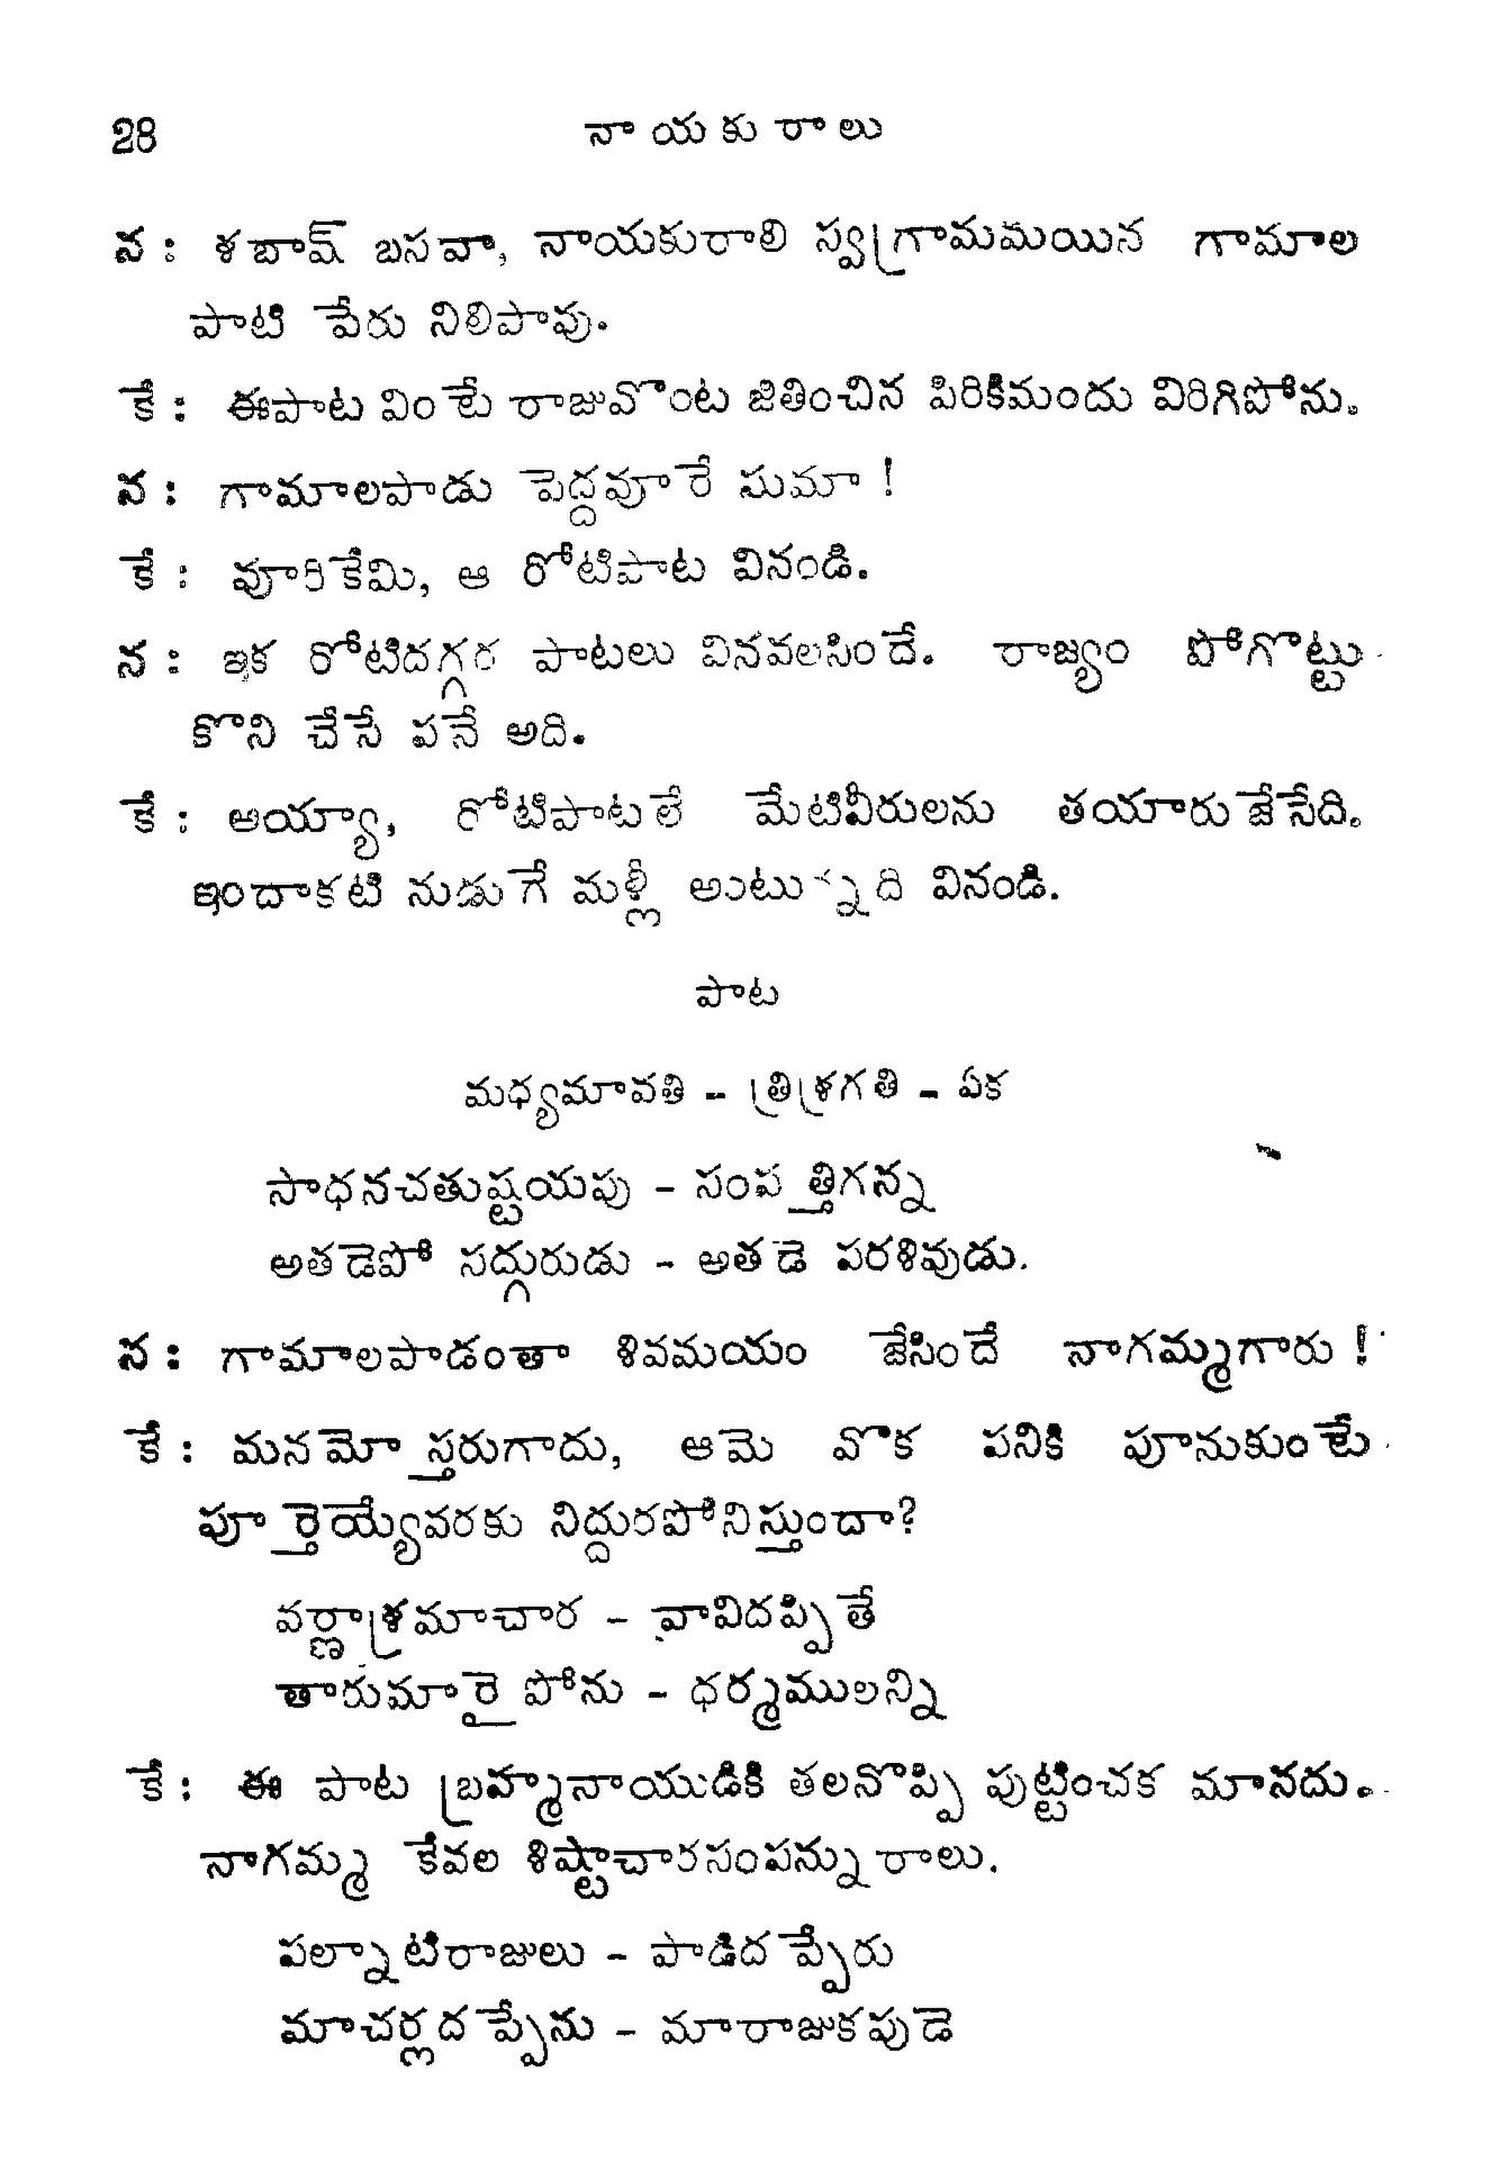న: శబాష్ బసవా, నాయకురాలి స్వగ్రామమయిన గామాలపాటి పేరు నిలిపావు.

కే: ఈపాట వింటే రాజువొంట జితించిన పిరికిమందు విరిగిపోను.

న: గామాలపాడు పెద్దవూరే సుమా !

కే : వూరికేమి, ఆ రోటిపాట వినండి.

న : ఇక రోటిదగ్గర పాటలు వినవలసిందే. రాజ్యం పోగొట్టుకొని చేసే పనే అది.

కే : అయ్యా, రోటిపాటలే మేటివీరులను తయారుజేసేది. ఇందాకటి నుడుగే మళ్లీ అంటున్నది వినండి.

సాధనచతుష్టయపు - సంపత్తిగన్న
అతడెపో సద్గురుడు - అతడె పరశివుడు.
న: గామాలపాడంతా శివమయం జేసిందే నాగమ్మగారు !

కే: మనమోస్తరుగాదు, ఆమె వొక పనికి పూనుకుంటే, పూర్తెయ్యేవరకు నిద్దురపోనిస్తుందా?

వర్ణాశ్రమాచార - వావిదప్పి తే
తారుమారై పోను - ధర్మములన్ని
కే: ఈ పాట బ్రహ్మనాయుడికి తలనొప్పి పుట్టించక మానదు. నాగమ్మ కేవల శిష్టాచారసంపన్నురాలు,

పల్నాటిరాజులు - పాడిదప్పేరు
మాచర్లదప్పేను - మారాజుకపుడె